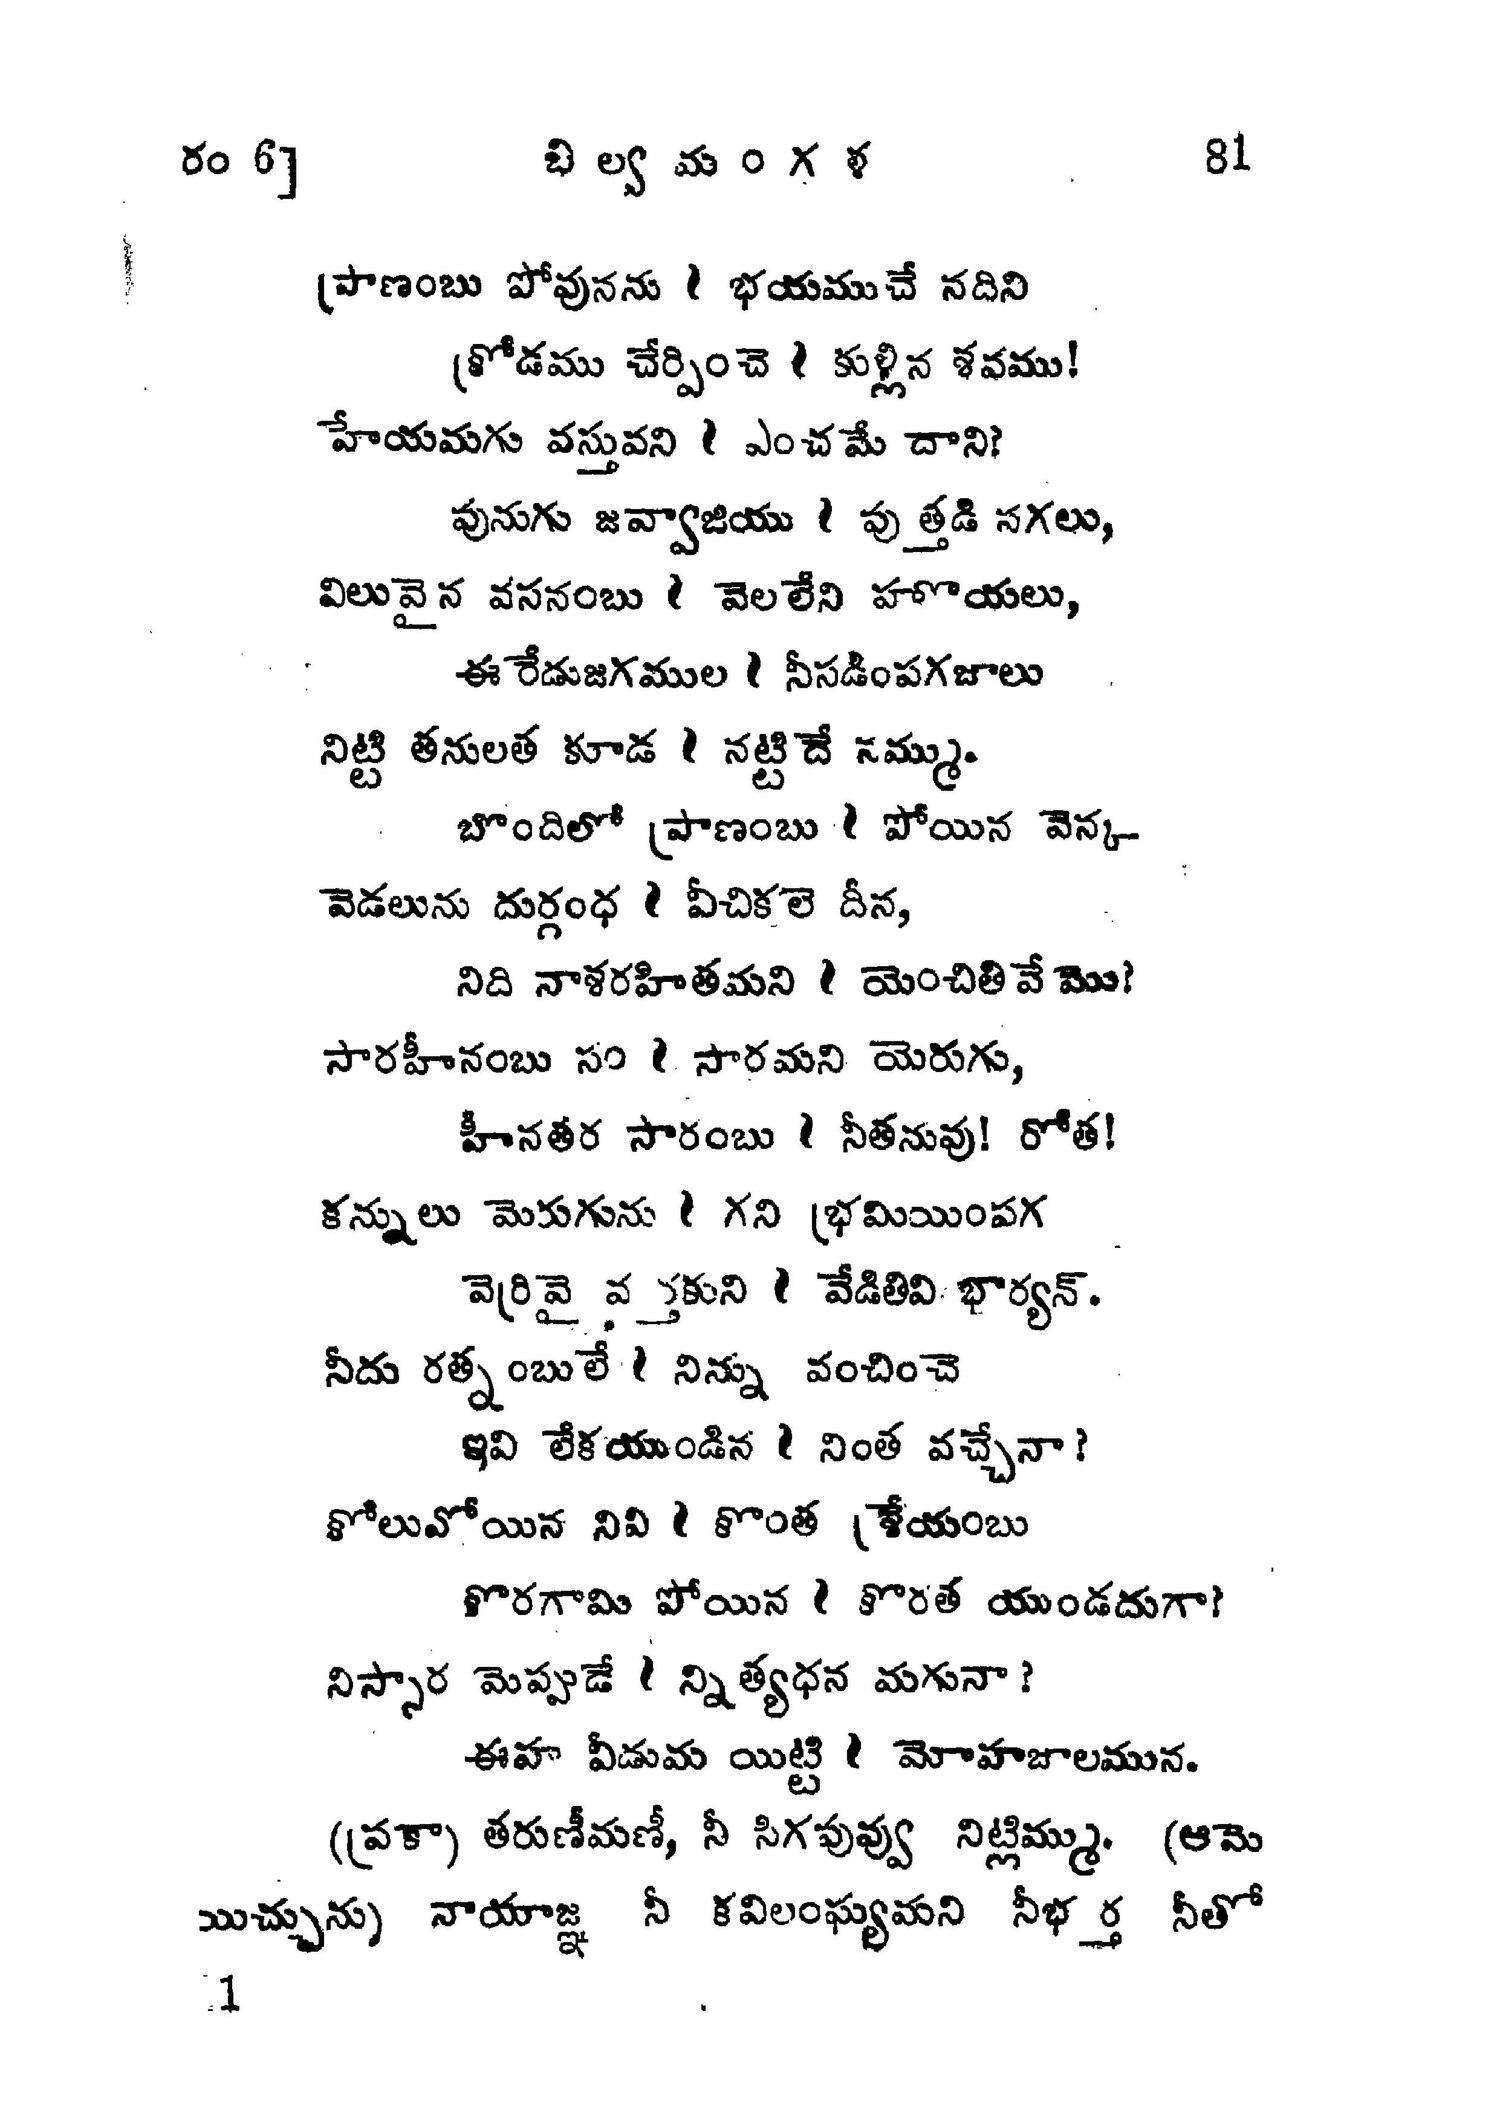ప్రాణంబు పోవునను ♦ భయముచే నదిని
 క్రోడము చేర్పించె ♦ కుళ్ళిన శవము!
 హేయమగు వస్తువని ♦ ఎంచమే దాని?
 పునుగు జవ్వాజియు ♦ పుత్తడి నగలు,
 విలువైన వసనంబు ♦ వెలలేని హొయలు,
 ఈరేడుజగముల ♦ నీసడింపగజాలు
 నిట్టి తనులత కూడ ♦ నట్టిదే నమ్ము.
 బొందిలో ప్రాణంబు ♦ పోయిన వెన్క
 వెడలును దుర్గంధ ♦ వీచికలె దీన,
 నిది నాశరహితమని ♦ యెంచితివే మొ?
 సారహీనంబు సం ♦ సారమని యెరుగు,
 హీనతర సారంబు ♦ నీతనువు! రోత!
 కన్నులు మెరుగును ♦ గని భ్రమియింపగ
 వెర్రివై వర్తకుని ♦ వేడితివి భార్యన్.
 నీదు రత్నంబులే ♦ నిన్ను వంచించె
 ఇవి లేకయుండిన ♦ నింత వచ్చేనా?
 కోలువోయిన నివి ♦ కొంత శ్రేయంబు
 కొరగామి పోయిన ♦ కొరత యుండదుగా?
 నిస్సార మెప్పుడే ♦ న్నిత్యధన మగునా?
 ఈహ వీడుమ యిట్టి ♦ మోహజాలమున.

(ప్రకా) తరుణీమణీ, నీ సిగపువ్వు నిట్లిమ్ము. (ఆమె యిచ్చును) నాయాజ్ఞ నీ కవిలంఘ్యమని నీభర్త నీతో